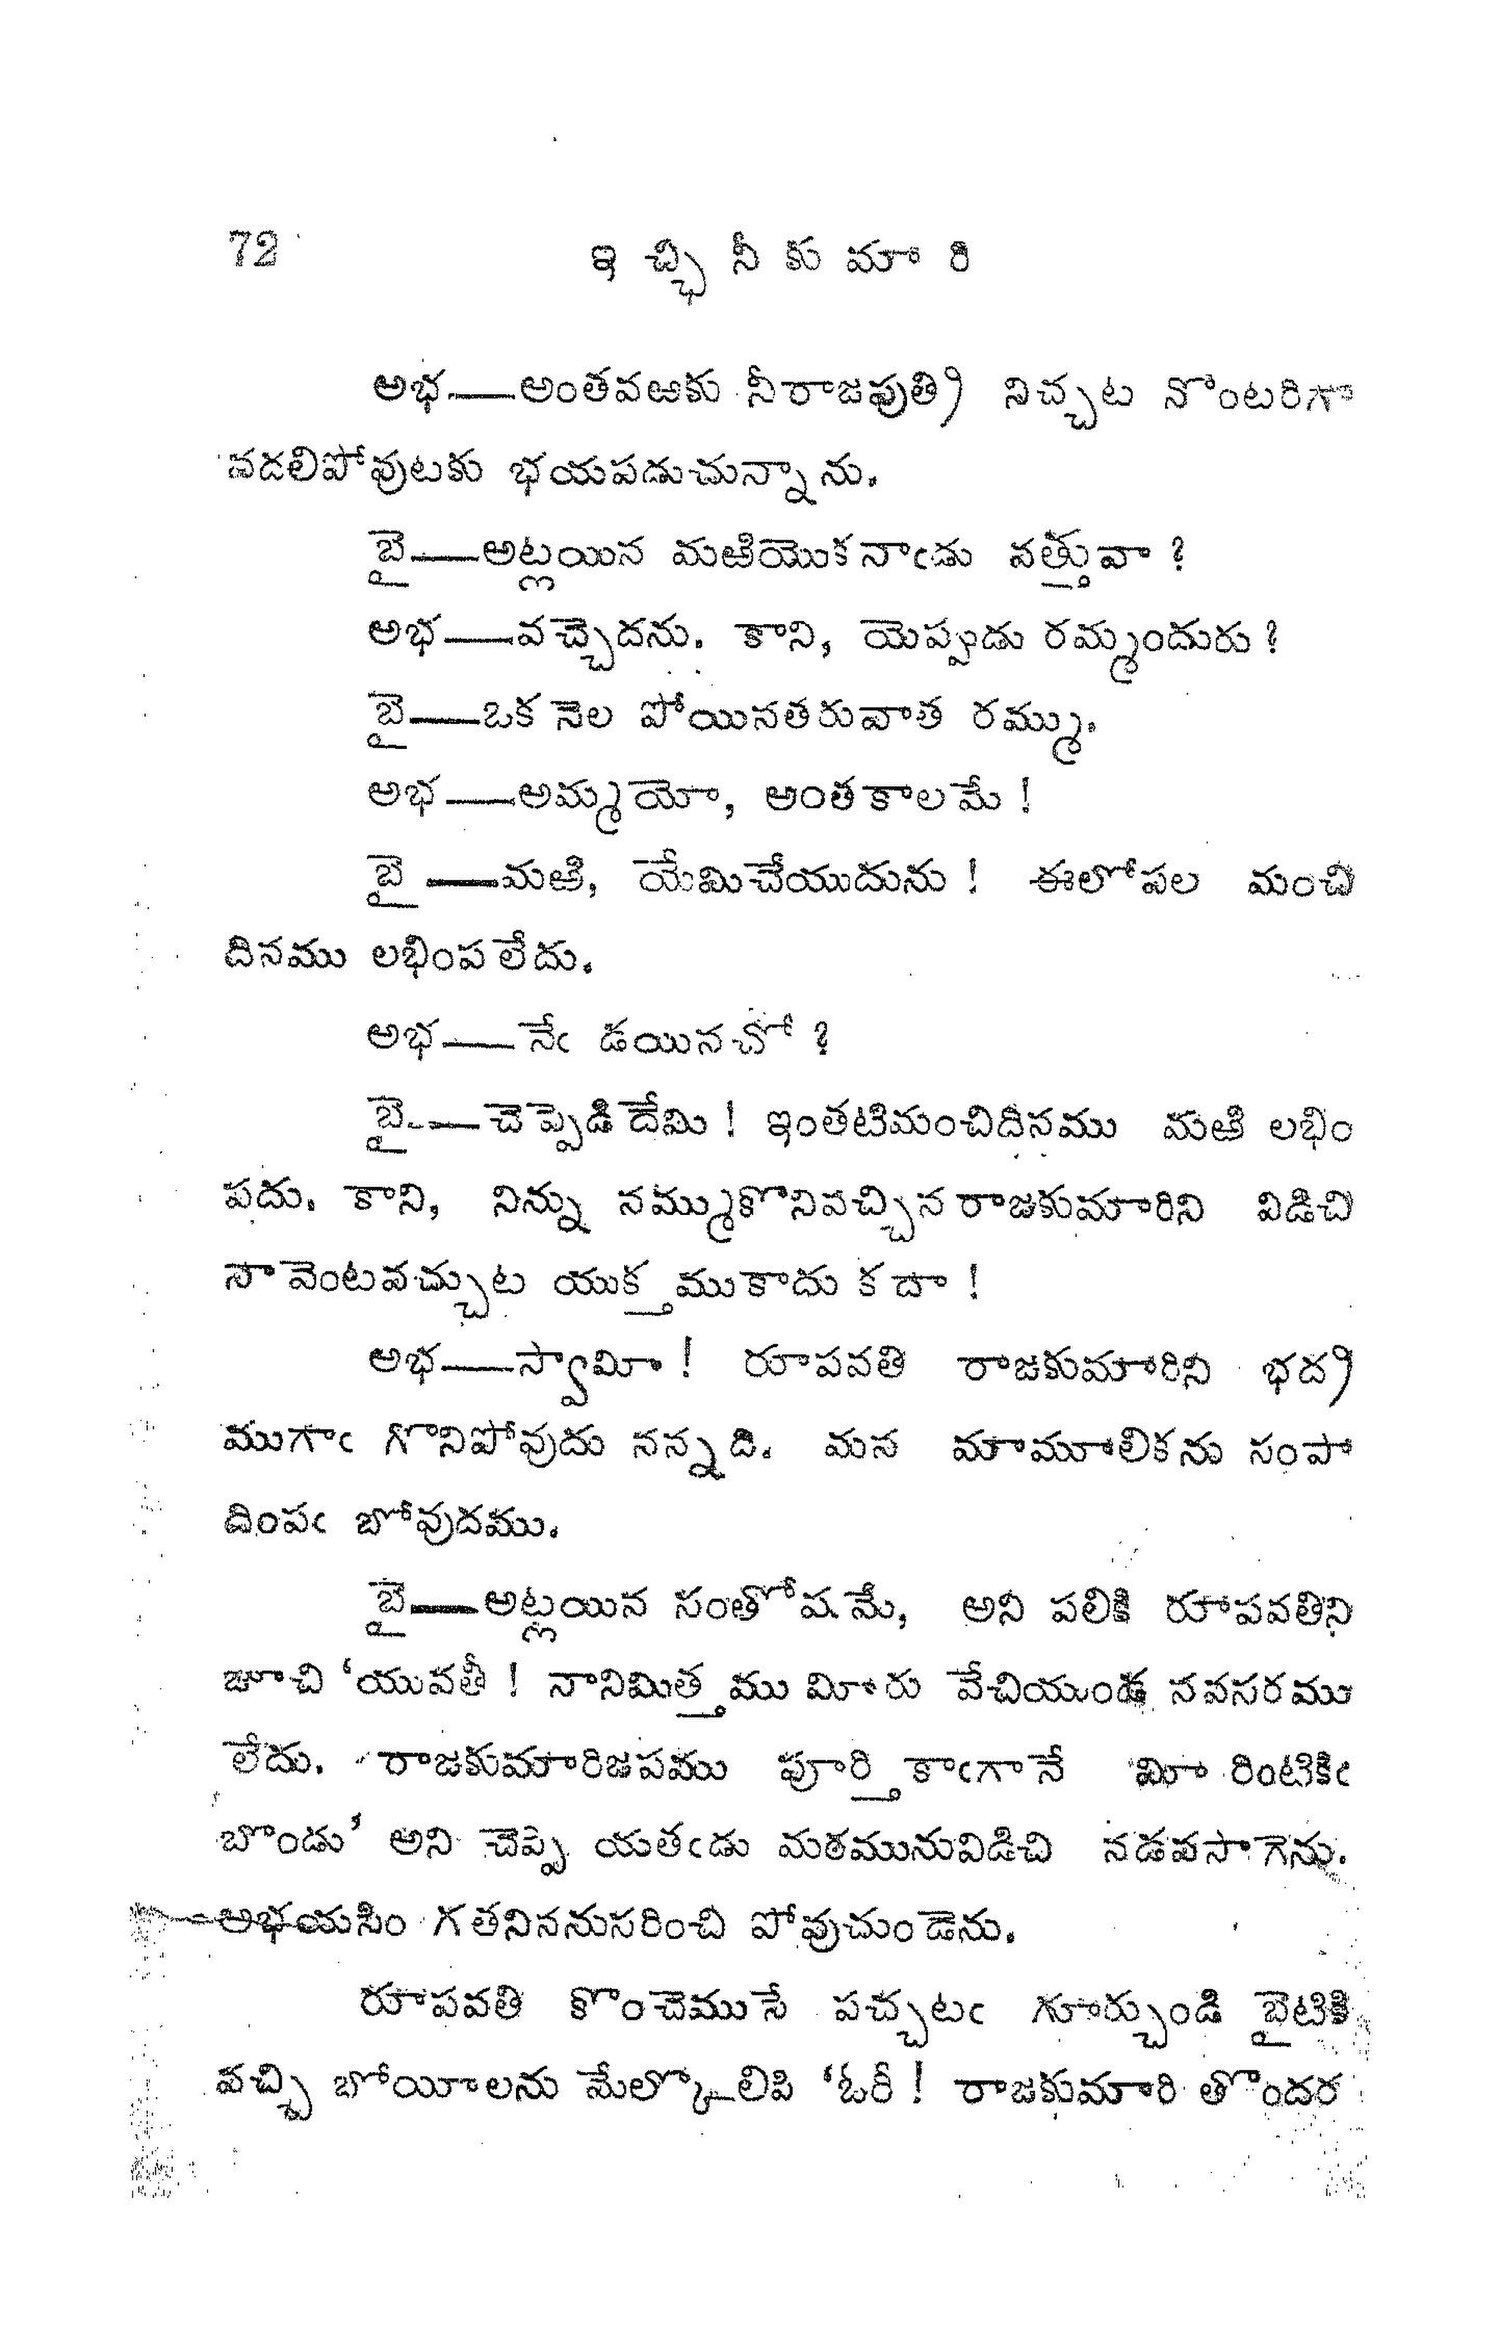72

అభ:- అంతవఱకు నీ రాజపుత్రి నిచ్చట నొంటరిగా
వదలిపోవుటకు భయపడుచున్నాను,

బై: – అట్లయిన మఱియొక నాఁడు వత్తువా ?

అభ: వచ్చేదను. కాని, యెప్పుడు రమ్మందురు ?

బె: . -ఒక నెల పోయినతరువాత రమ్ము,

అభ: అమ్మయో, అంత కాలమే !

బై: - మజి, యేమి చేయుదును ! ఈలోపల మంచి
దినము లభింప లేదు.

అభ-:-- నేఁ డయినచో ?

బై : - చెప్పెడి దేమి ! ఇంతటి మంచిదినము మతి లభిం
పదు. కాని, నిన్ను నమ్ముకొని వచ్చిన రాజకుమారిని విడిచి
నావెంటవచ్చుట యుక్త ముకాదు కదా !

అభ: స్వామీ ! రూపవతి రాజకుమారిని - భద్ర
ముగాఁ గొనిపోవుదు నన్నది. మన మామూలికను సంపా
దింపఁ బోవుదము.

బై: అట్లయిన సంతోషమే, అని పలికి రూపవతిని
జూచి 'యునతీ ! నానిమిత్తము మీరు వేచియుండ నవసరము
లేదు. • రాజకుమారి జపము పూర్తి కాఁగానే 'మారింటికి
బొండు' అని చెప్పి యతఁడు మఠమునువిడిచి నడవసాగెను.
-అభయసిం గతనిననుసరించి పోవుచుండెను.

రూపవతి కొంచెము సే పచ్చటఁ గూర్చుండి బైటికి
వచ్చి బోయీలను మేల్కొలిపి 'ఓరీ ! రాజకుమారి తొందర